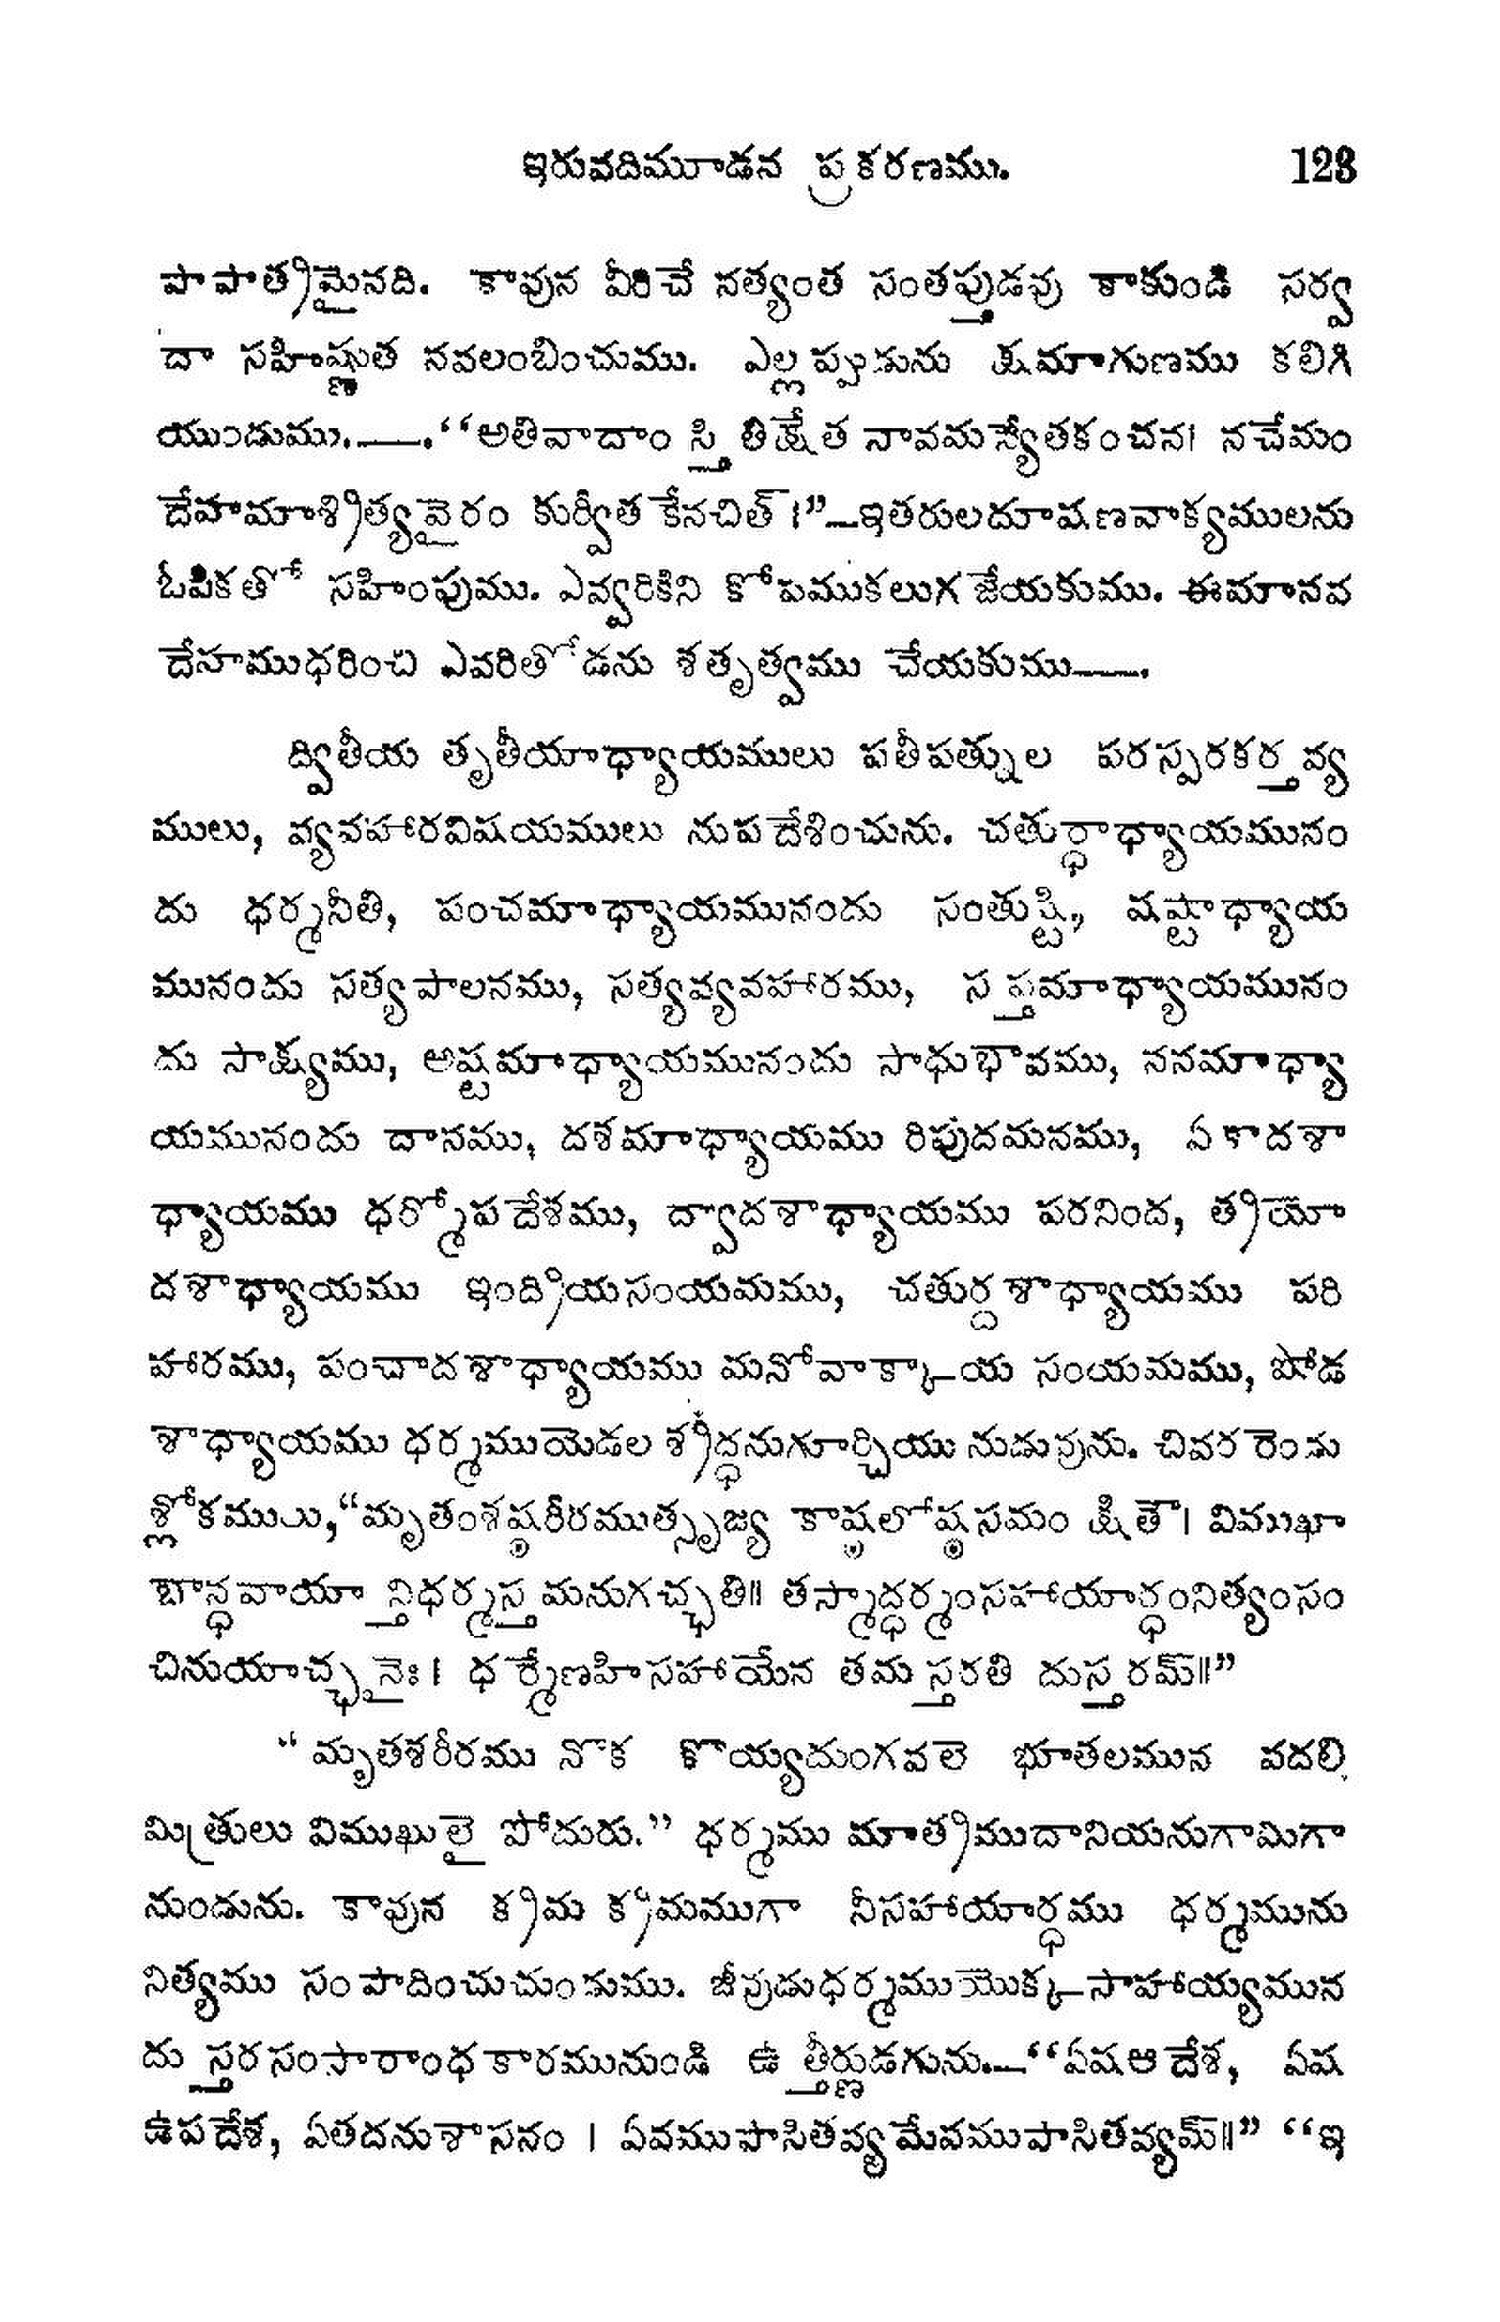పాపాత్రమైనది. కావున వీరిచే నత్యంత సంతప్తుడవు కాకుండి సర్వదా 
సహిష్ణుత నవలంబించుము. ఎల్లప్పుడును క్షమాగుణము కలిగి
యుందుము. . “అతివాదాం తిక్షేత నావమ న్యేతకంచన: నచేమం
దేహమాశ్రిత్య వైరం కుర్వీత కేనచిత్ !”...ఇతరులదూషణవాక్యములను
ఓపిక తో సహింపుము. ఎవ్వరికిని కోపముకలుగ జేయకుము. ఈ మానవ
దేహముధరించి ఎవరి తోడను శతృత్వము చేయకుము.... ,

ద్వితీయ తృతీయాధ్యాయములు పతీపత్నుల పరస్పరకర్తవ్యములు, వ్యవహారవిషయములు నుపదేశించును. చతుర్ధాధ్యాయమునందు 
ధర్మనీతి, పంచమాధ్యాయమునందు సంతుష్టి, షష్టా ధ్యాయమునందు 
సత్య పాలనము, సత్య వ్యవహారము, సప్తమాధ్యాయమునందు 
సాక్ష్యము, అష్టమాధ్యాయమునందు సాధుభావము, ననమాధ్యాయము
నందు దానము, దశమాధ్యాయము రిపుదమనము, ఏ కొదళాధ్యాయము 
ధర్మోపదేశము, ద్వాదశాధ్యాయము పరనింద, తయాదళాధ్యాయము
ఇంద్రియ సంయమము, చతుర్ధ శాధ్యాయము పరిహారము, పంచా
దశాధ్యాయము మనోవాక్కాయ సంయమము, పోడశాధ్యాయము ధర్మము 
యెడల శ్రద్ధనుగూర్చియు నుడువును. చివర రెండు శ్లోకములు,

 “మృతం శష్టరీరముత్సృజ్య కాష్ఠలోష్ఠ సమంక్షితౌ1 
విముఖాబాంద వాయాంతిధర్మస్త మనుగచ్ఛతి! 
తస్మాద్ధర్మం సహాయార్ధం నిత్యం సంచియాచ్చనైః |
ధర్మేణహి సహాయేన తమ స్తరతి దుస్తరమ్ |"

' మృతశరీరము నొక కొయ్యదుంగవలె భూతలమున వదలి.మిత్రులు విముఖులై
ధర్మము మాత్రము దానియనుగామిగానుండును. కావున మక్రమముగా నీ సహాయార్ధము ధర్మమును నిత్యము సంపాదించుచుండుము. జీవుడు ధర్మము యొక్క సాహాయ్యమున
దుస్తర సంసారాంధ కారమునుండి ఉత్తీర్ణుడగును..... " ఏష ఆ దేశ, ఏష
ఉపదేశ, ఏతదను శాసనం | ఏవము పాసితవ్య మేనముపాసితవ్యమ్ ! " " ఇ
-